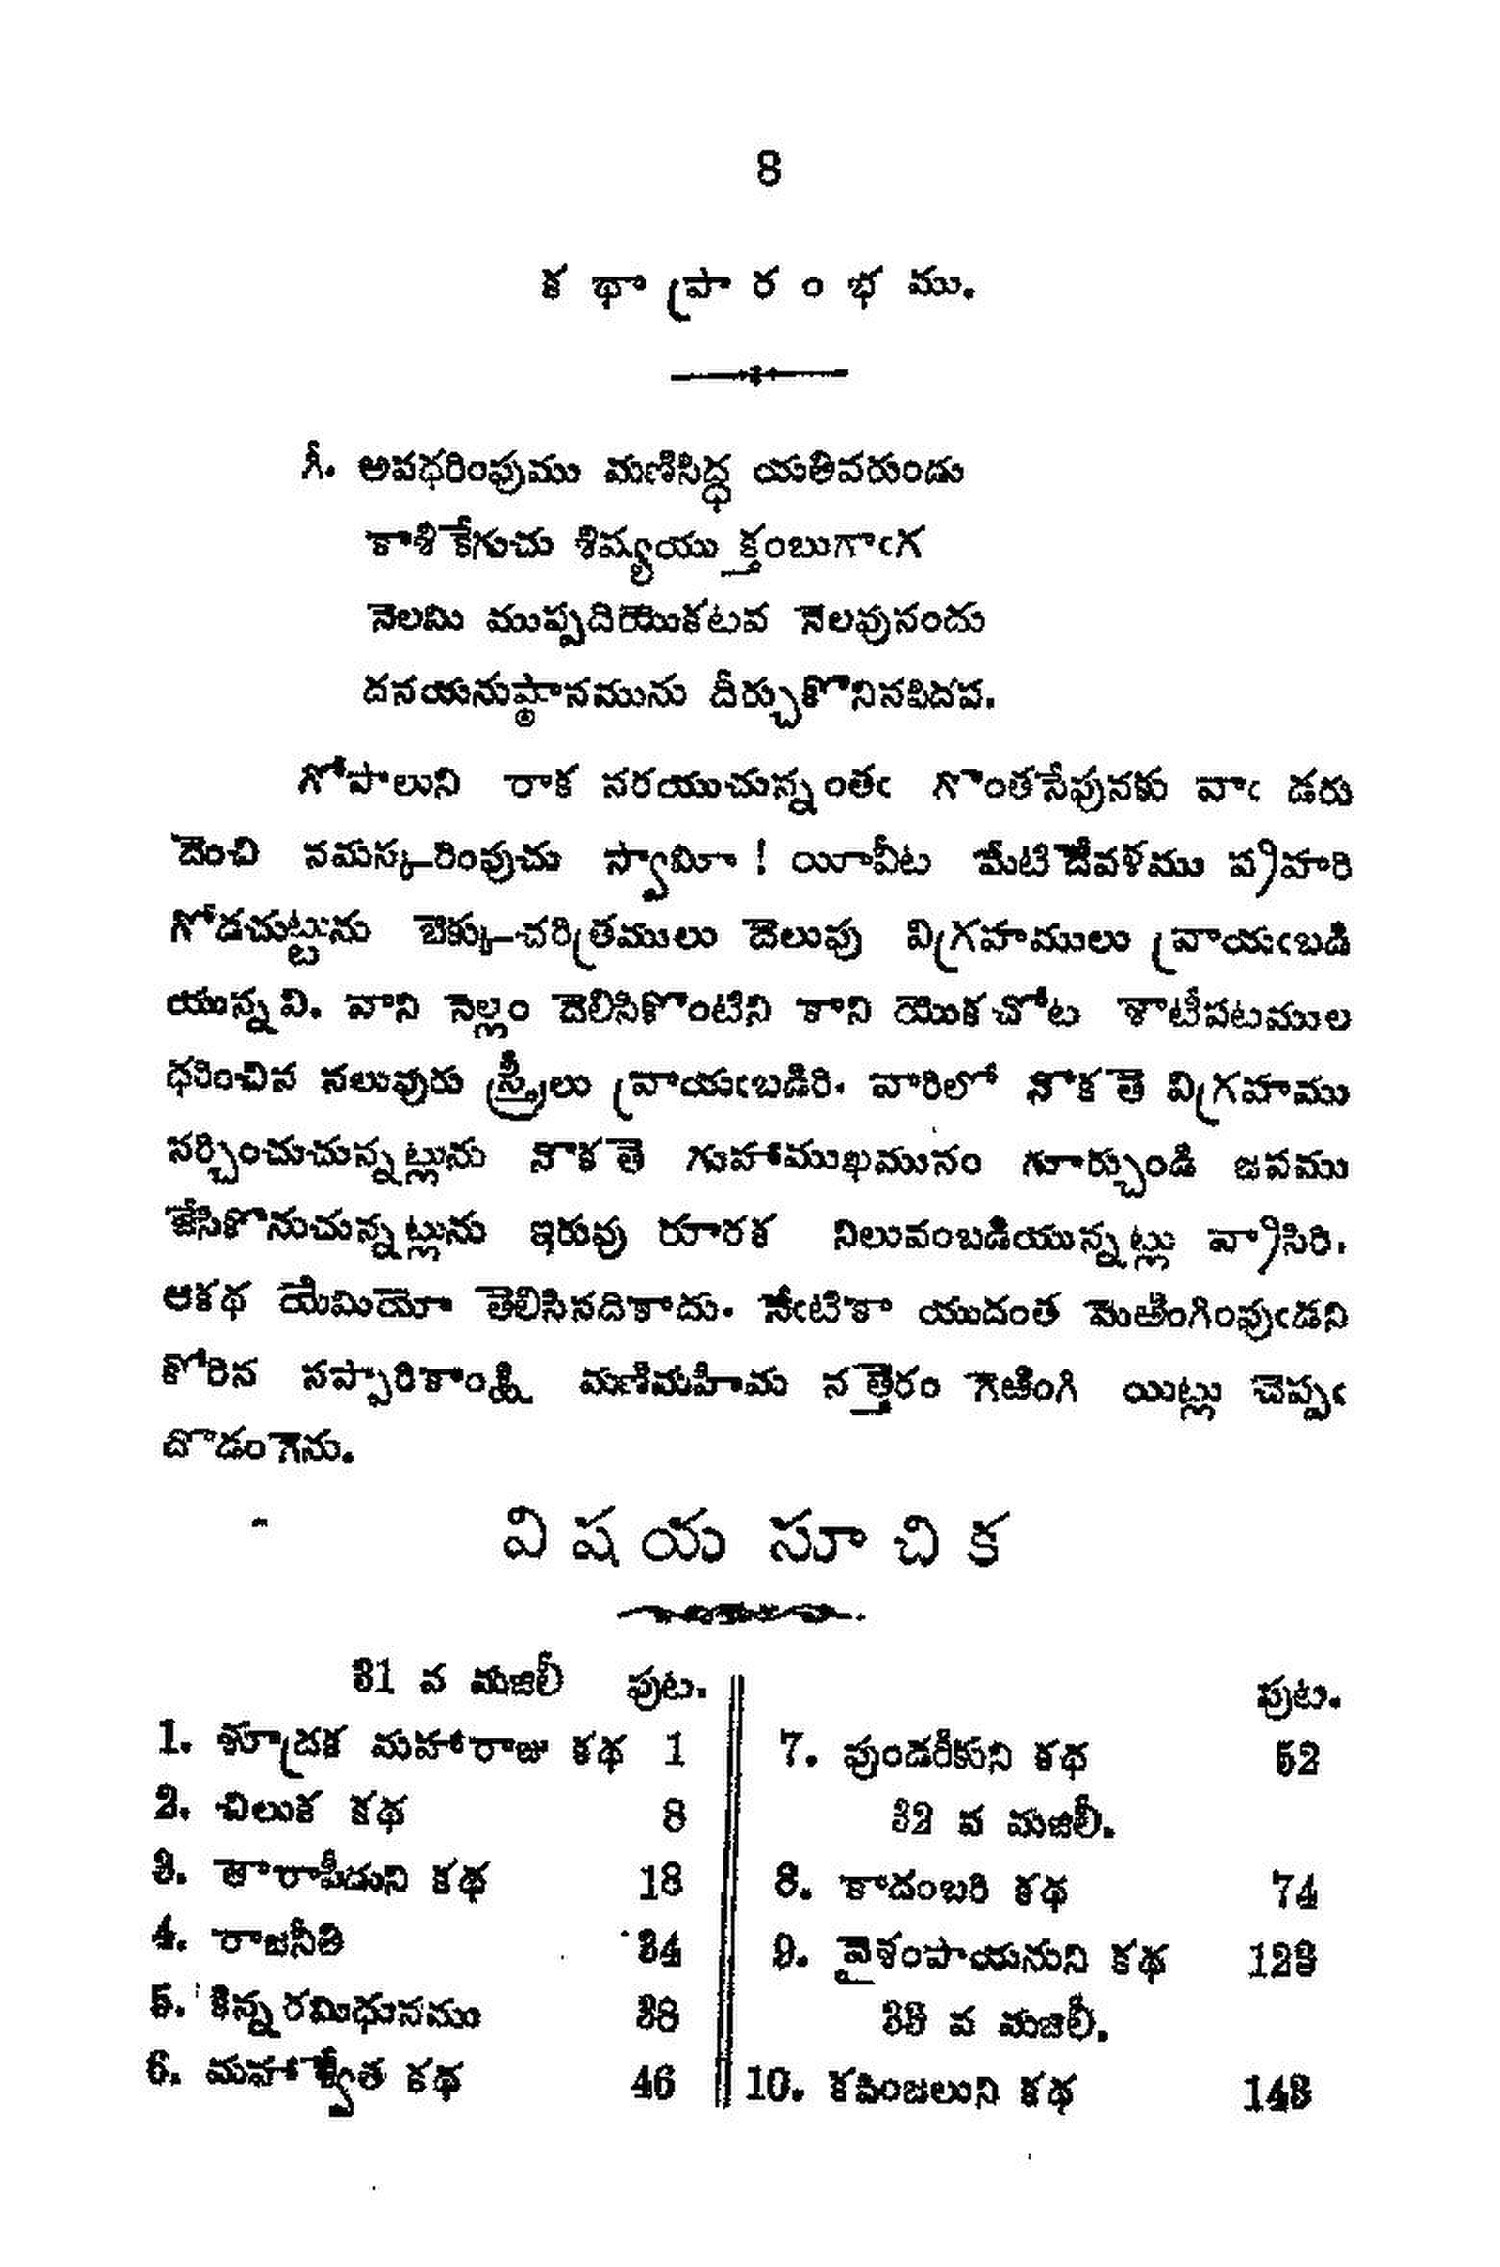కథా ప్రారంభము.

గీ. అవధరింపుము మణిసిద్ధ యతివరుండు
 కాశికేగుచు శిష్యయుక్తంబుగాఁగ
 నెలమి ముప్పదియొకటవ నెలవునందు
 దనయనుష్ఠానమును దీర్చుకొనినపిదప.

గోపాలుని రాక నరయుచున్నంతఁ గొంతసేపునకు వాఁ డరుదెంచి నమస్కరింపుచు స్వామీ ! యీవీట మేటిదేవళము ప్రహరి గోడచుట్టును బెక్కుచరిత్రములు దెలుపు విగ్రహములు వ్రాయఁబడి యున్నవి. వాని నెల్లం దెలిసికొంటిని కాని యొకచోట శాటీపటముల ధరించిన నలువురు స్త్రీలు వ్రాయఁబడిరి. వారిలో నొకతె విగ్రహము నర్చించుచున్నట్లును నొకతె గుహాముఖమునం గూర్చుండి జపము జేసికొనుచున్నట్లును ఇరువు రూరక నిలువంబడియున్నట్లు వ్రాసిరి. ఆకథ యేమియో తెలిసినదికాదు. నేఁటికా యుదంత మెఱింగింపుఁడని కోరిన నప్సారికాంక్షి మణిమహిమ నత్తెరం గెఱింగి యిట్లు చెప్పఁ దొడంగెను.

విషయ సూచిక